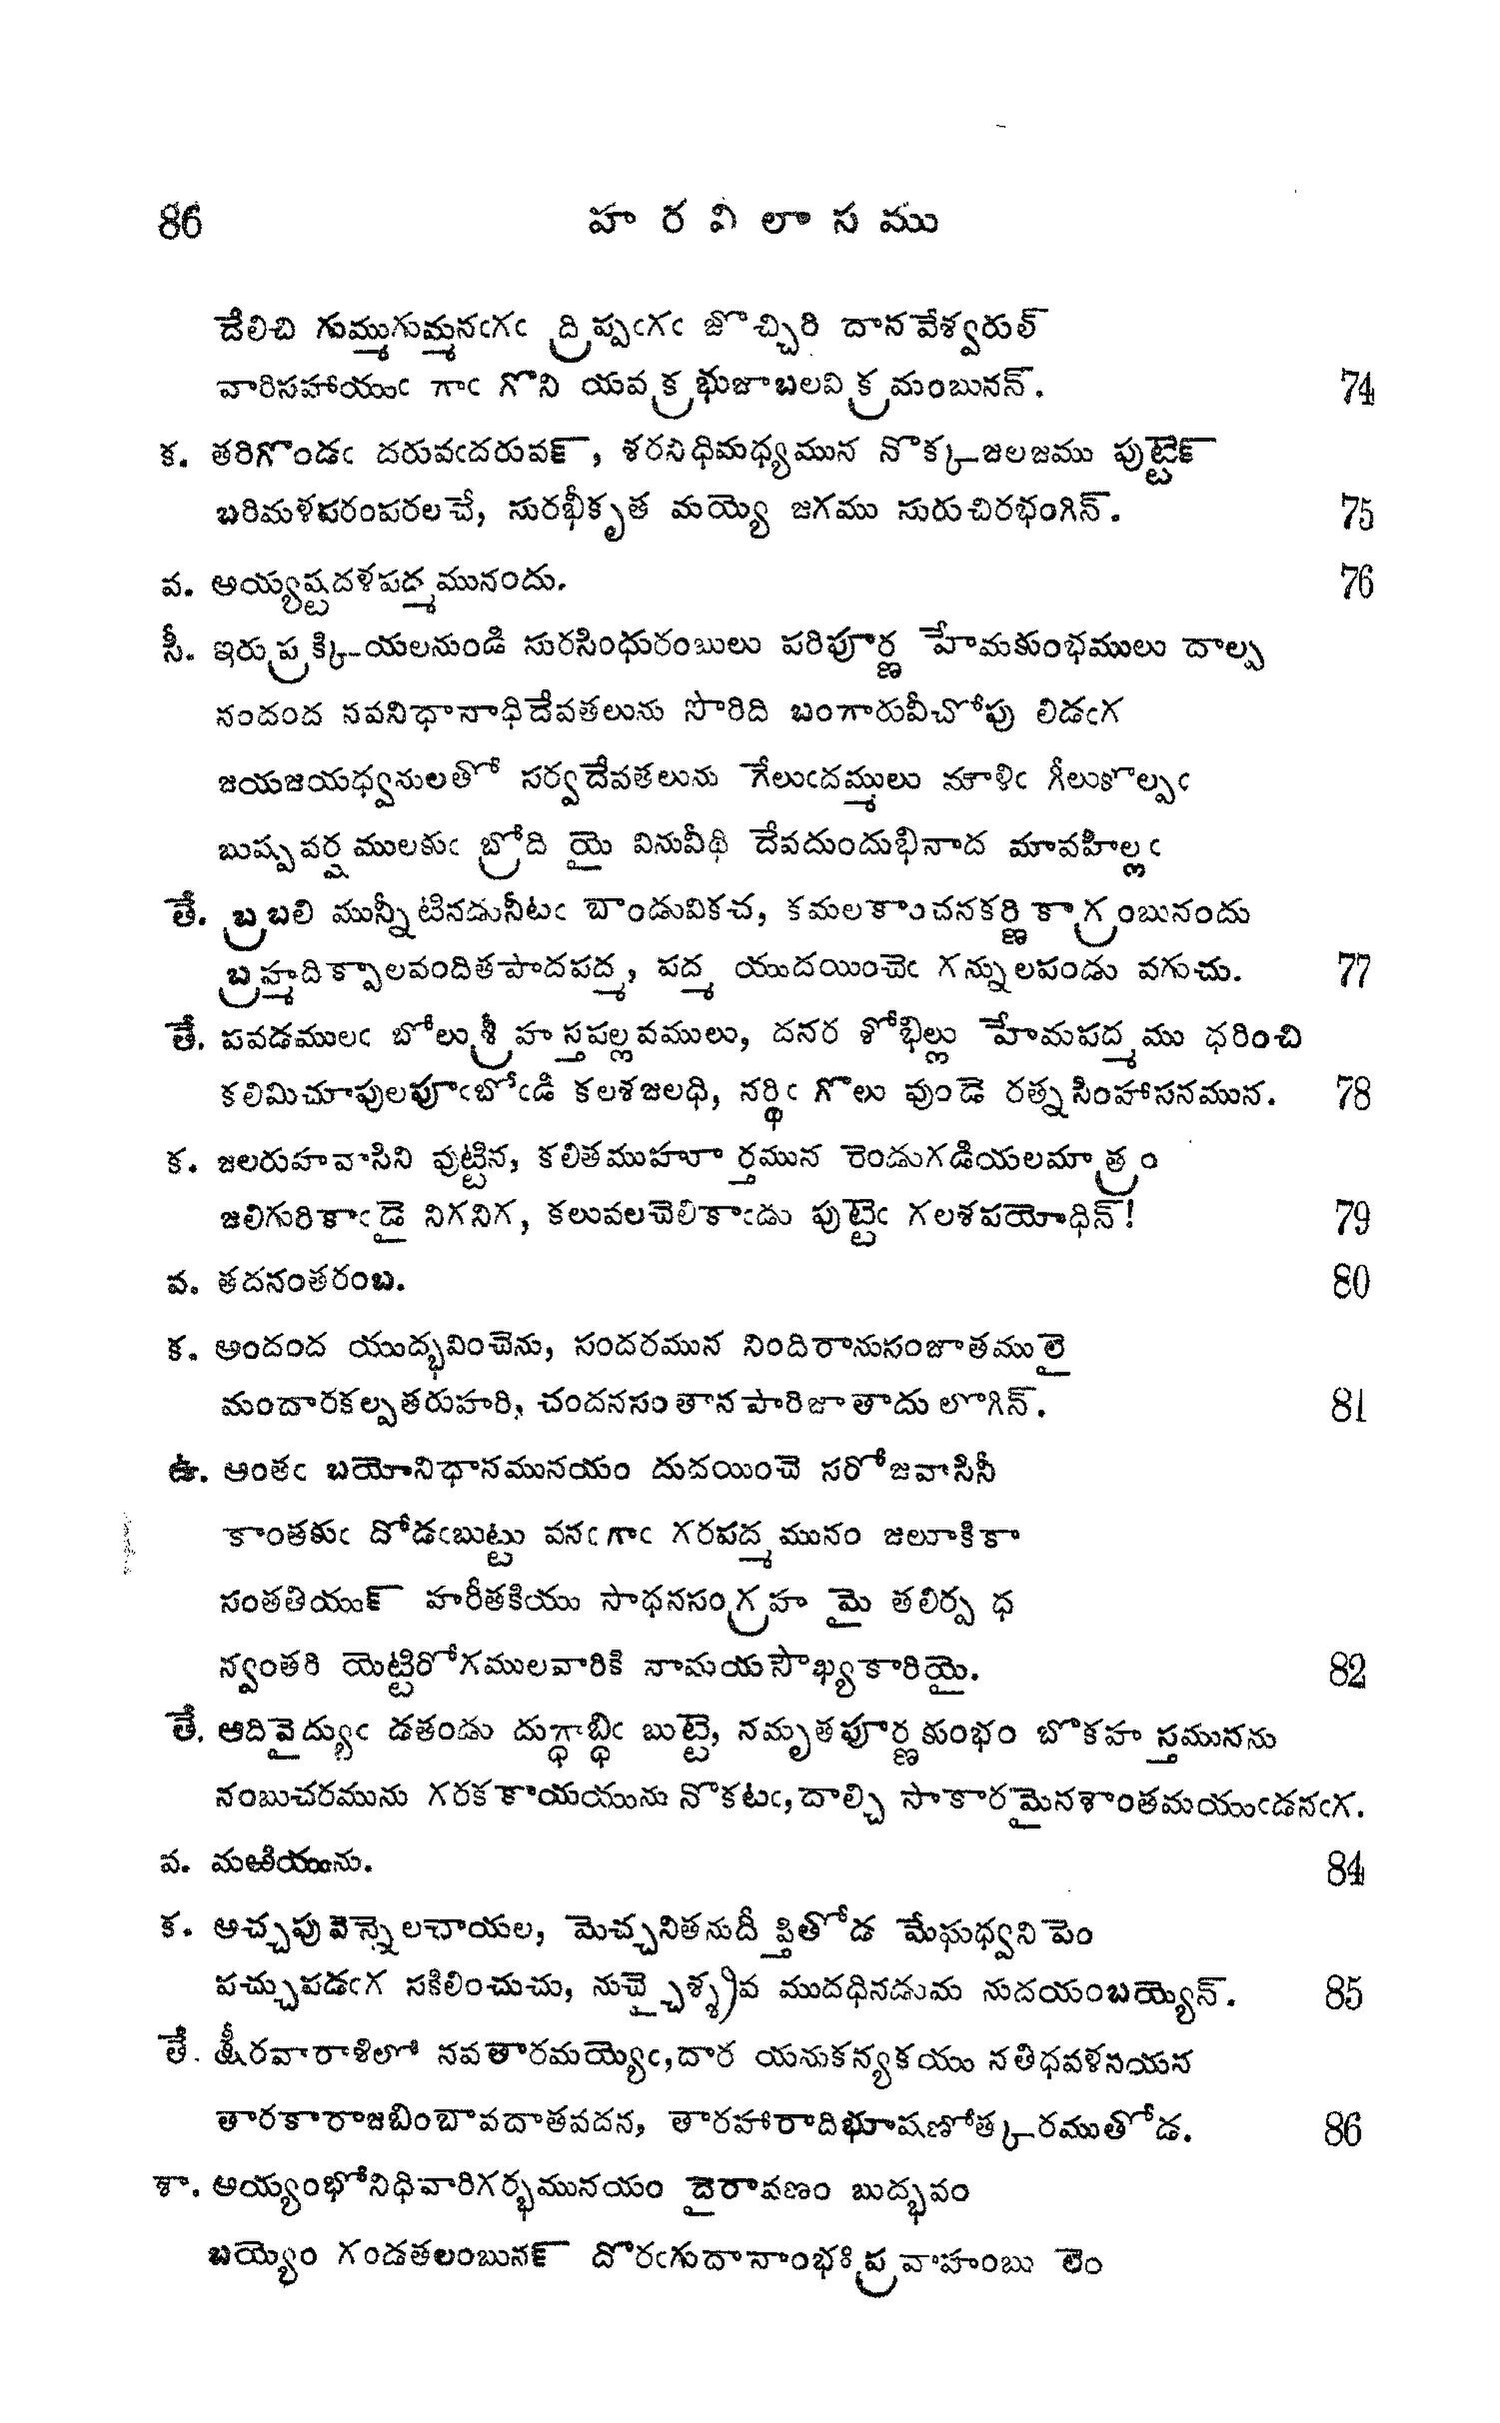దేలిచి గుమ్ముగుమ్మనఁగఁ ద్రిప్పఁగఁ జొచ్చిరి దానవేశ్వరుల్
వారిసహాయుఁ గాఁ గొని యవక్రభుజాబలవిక్రమంబునన్. 74

క. తరిగొండఁ దరువఁదరువన్, శరనిధిమధ్యమున నొక్క జలజము పుట్టెన్
బరిమళపరంపరలచే, సురభీకృత మయ్యె జగము సురుచిరభంగిన్. 75

వ. అయ్యష్టదళపద్మమునందు. 76

సీ. ఇరు ప్రక్కియలనుండి సురసింధురంబులు పరిపూర్ణహేమకుంభములు దాల్ప
నందంద నవనిధానాధిదేవతలును సొరిది బంగారువీచోపు లిడఁగ
జయజయధ్వనులతో సర్వదేవతలును గేలుఁదమ్ములు మౌళిఁ గీలుకొల్పఁ
బుష్పవర్షములకుఁ బ్రోది యై వినువీథి దేవదుందుభినాద మావహిల్లఁ
తే. బ్రబలి మున్నీటినడునీటఁ బాండువికచ, కమలకాంచనకర్లికాగ్రంబునందు
బ్రహ్మదిక్పాలవందితపాదపద్మ, పద్మ యుదయించెఁ గన్నులపండు వగుచు. 77

తే. పవడములఁ బోలు శ్రీహస్తపల్లవములు, దనర శోభిల్లు హేమపద్మము ధరించి
కలిమిచూపులపూఁబోఁడి కలశజలధి, నర్థిఁ గొలు వుండె రత్నసింహాసనమున. 78

క. జలరుహవాసిని పుట్టిన, కలితముహూర్తమున రెండుగడియలమాత్రం
జలిగురికాఁడై నిగనిగ, కలువలచెలికాఁడు పుట్టెఁ గలశపయోధిన్! 79

వ. తదనంతరంబ. 80

క. అందంద యుద్భవించెను, సందరమున నిందిరానుసంజాతములై
మందారకల్పతరుహరి, చందనసంతానపారిజాతాదు లొగిన్. 81

ఉ. ఆంతఁ బయోనిధానమునయం దుదయించె సరోజవాసినీ
కాంతకుఁ దోడఁబుట్టు వనఁగాఁ గరపద్మమునం జలూకికా
సంతతియున్ హరీతకియు సాధనసంగ్రహ మై తలిర్ప ధ
న్వంతరి యెట్టిరోగములవారికి నామయసౌఖ్యకారియై. 82

తే. ఆదివైద్యుఁ డతండు దుగ్ధాబ్ధిఁ బుట్టె, నమృతపూర్ణకుంభం బొకహస్తమునను
నంబుచరమును గరకకాయయును నొకటఁ, దాల్చి సాకారమైన శాంతమయుఁ డనఁగ. 84

వ. మఱియును. 85

క. అచ్చపువెన్నెలచాయల, మెచ్చనితనుదీప్తితోడ మేఘధ్వని పెం
పచ్చుపడఁగ సకిలించుచు, నుచ్చైశ్శ్రవ ముదధినడుమ నుదయంబయ్యెన్. 85

తే. క్షీరవారాశిలో నవతారమయ్యెఁ, దార యనుకన్యకయు నతిధవళనయన
తారకారాజబింబావదాతవదన, తారహారాదిభూషణోత్కరముతోడ. 86

శా. అయ్యంభోనిధివారిగర్భమునయం దైరావణం బుద్భవం
బయ్యెం గండతలంబునన్ దొరఁగుదానాంభఃప్రవాహంబు లెం